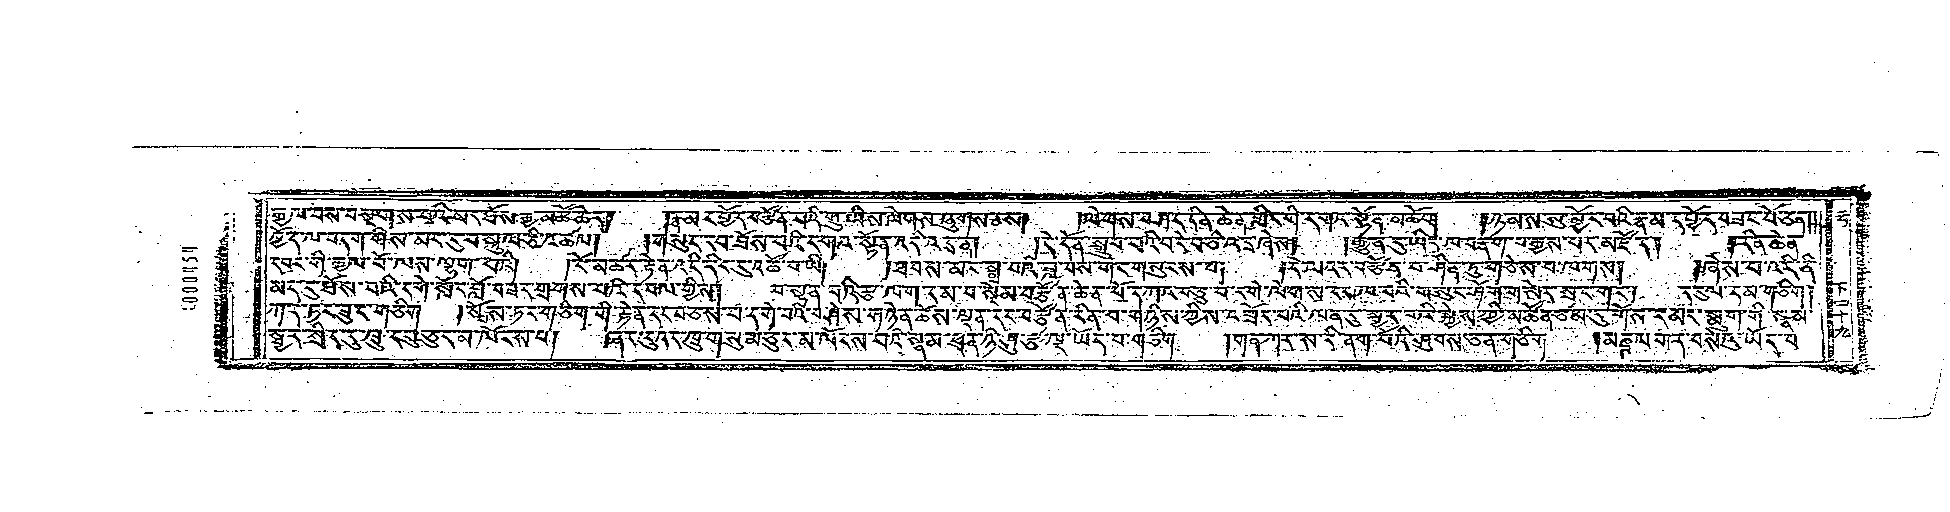རྒྱལ་བས་བསྔགས་བའི་མང་ཐོས་རྒྱ་མཚོ་ཆེར། །རྣམ་དཔྱོད་བརྩོན་པའི་གྲུ་ཡིས་ལེགས་ཞུགས་ནས། །ལེགས་བཤད་རིན་ཆེན་གླིང་གི་དགའ་སྟོན་མཆོག །ཉམས་སུ་མྱོང་བའི་རྣམ་དཔྱོད་བཟང་པོ་ཅན།།
ཁྱོད་ལ་བདག་གིས་མང་དུ་བསྐུལ་ཅི་འཚལ། །གསུང་རབ་ཐོས་བའི་དགའ་སྟོན་འདི་འདྲ་ན། །དེ་དོན་སྒྲུབ་བའི་བདེ་བ་ཅི་འདྲ་ཞེས། །རྒྱུན་དུ་ཡིད་ལ་བརྣག་པ་རྒྱས་པར་མཛོད། །རིན་ཆེན་
དབང་གི་རྒྱལ་པོ་ལས་ལྷག་པའི། །ངོ་མཚར་རྟེན་འདི་རིང་དུ་འཚོ་བ་ཡི། །ཐབས་མང་སྨྲ་བའི་ཟླ་བས་གང་གསུངས་པ། །རེ་ལའར་བརྩོན་བ་ཤིན་ཏུ་གཅེས་བ་ལགས། །ཞེས་བ་འདི་ནི་
མང་དུ་ཐོས་བའི་དགེ་སློང་བློ་བཟང་གྲགས་པའི་དབལ་གྱིས། བསྟན་བའི་རྩ་ལག་དམ་བ་སྡོམ་བརྩོན་ཆེན་པོ་དཀའ་བཅུ་པ་དགེ་ལེགས་དཔལ་བའི་གསུང་ཤོག་གསེར་སྲང་གང་། དངུལ་དམ་གཅིག།
ཀ་ར་ཏང་ཟུང་གཅིག །སྤོས་ཏང་གཅིག་གི་རྟེན་དང་བཅས་པ་དགེ་བའི་གཉེན་ཆོས་ལྡན་དང་བརྩོན་རིན་པོ་གཉིས་ཀྱིས་འབྲོར་པའི་ལན་དུ་སྦྱར་བའི་སྐྱེས་ཀྱི་མཚོན་ཙམ་དུ་གོས་དམར་སྨུག་གི་སྣམ་
སྦྱར་སྲིད་དུ་ཁྲུ་དབུ་ཅུང་མ་ལོངས་པ། ཞང་དུའང་ཁྲུ་གསུམ་ཅུང་མ་ལོངས་བའི་སྣམ་ཕྲན་ཉི་ཤུ་རྩ་ལྔ་ཡོད་པ་གཅིག །གན་ཀར་ས་རི་ནག་པོའི་ཤུབས་ཅན་གཅིག །མཎྜལ་གར་བསེའུ་ཡོད་པ་